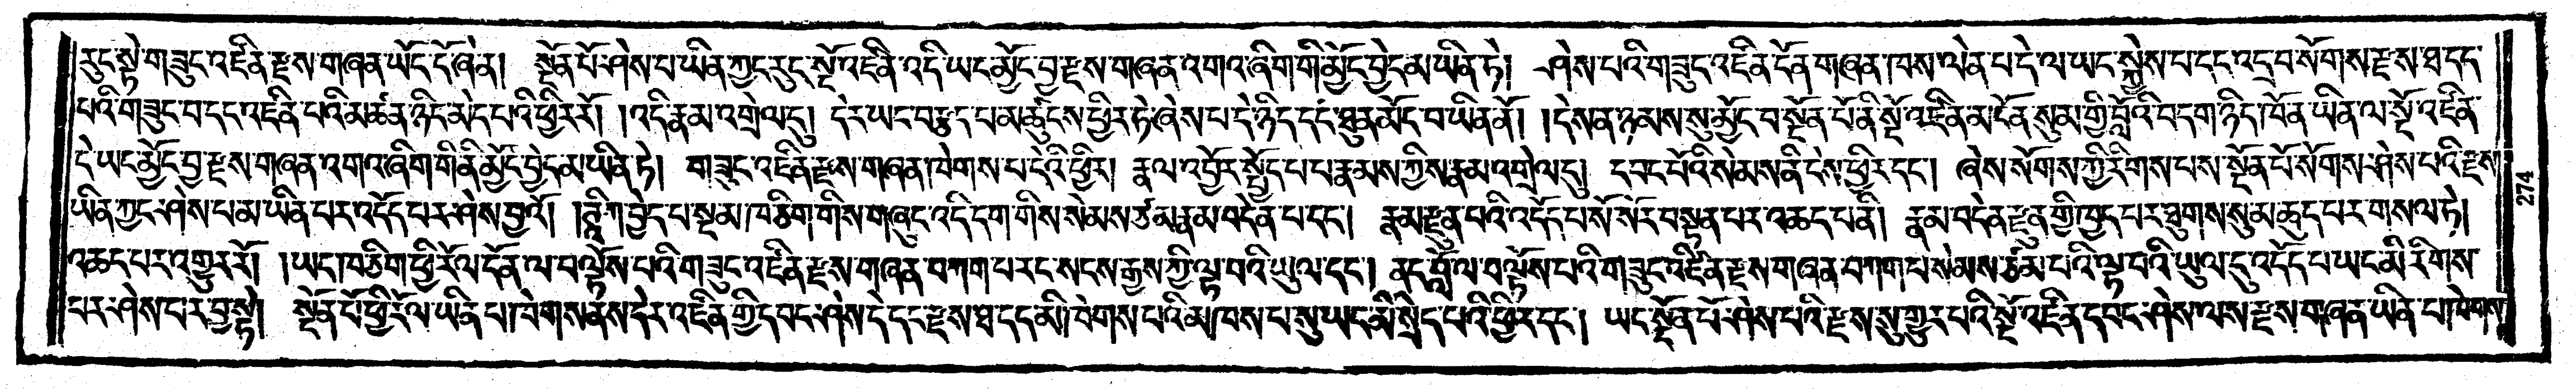རུང་སྟེ་གཟུང་འཛིན་རྫས་གཞན་ཡོད་དོ་ཞེ་ན། སྔོན་པོ་ཤེས་པ་ཡིན་ཀྱང་རུང་སྔོ་འཛིན་འདི་ཡང་མྱོང་བྱ་རྫས་གཞན་འགའ་ཞིག་གི་མྱོང་བྱེད་མ་ཡིན་ཏེ། ཤེས་པའི་གཟུང་འཛིན་དོན་གཞན་ཁས་ལེན་པ་དེ་ལ་ཡང་སྐྱེས་པ་དང་འདྲ་བ་སོགས་རྫས་ཐ་དད་
པའི་གཟུང་བ་དང་འཛིན་པའི་མཚན་ཉིད་མེད་པའི་ཕྱིར་རོ། །འདི་རྣམ་འགྲེལ་དུ། དེར་ཡང་བརྩད་པ་མཚུངས་ཕྱིར་ཏེ་ཞེས་པ་དེ་ཉིད་དང་ཐུན་མོང་བ་ཡིན་ནོ། །དེས་ན་ཉམས་སུ་མྱོང་བ་སྔོན་པོ་ནི་སྔོ་འཛིན་མངོན་སུམ་གྱི་བློའི་བདག་ཉིད་ཁོ་ན་ཡིན་ལ་སྔོ་འཛིན་
དེ་ཡང་མྱོང་བྱ་རྫས་གཞན་འགའ་ཞིག་གི་ནི་མྱོང་བྱེད་མ་ཡིན་ཏེ། གཟུང་འཛིན་རྫས་གཞན་ཁེགས་པ་དེའི་ཕྱིར། རྣལ་འབྱོར་སྤྱོད་པ་པ་རྣམས་ཀྱིས་རྣམ་འགྲེལ་དུ། དབང་པོའི་སེམས་ནི་དེས་ཕྱིར་དང་། ཞེས་སོགས་ཀྱི་རིགས་པས་སྔོན་པོ་སོགས་ཤེས་པའི་རྫས་
ཡིན་ཀྱང་ཤེས་པ་མ་ཡིན་པར་འདོད་པར་ཤེས་བྱའོ། །ཊཱིཀ་བྱེད་པ་སྔ་མ་ཁ་ཅིག་གིས་གཞུང་འདི་དག་གིས་སེམས་ཙམ་རྣམ་བདེན་པ་དང་། རྣམ་རྫུན་པའི་འདོད་པ་སོ་སོར་བསྟན་པར་འཆད་པ་ནི། རྣམ་བདེན་རྫུན་གྱི་ཁྱད་པར་ཐུགས་སུ་མ་ཆུད་པར་གསལ་ཏེ།
འཆད་པར་འགྱུར་རོ། །ཡང་ཁ་ཅིག་ཕྱི་རོལ་དོན་ལ་བལྟོས་པའི་གཟུང་འཛིན་རྫས་གཞན་བཀག་པ་རང་སངས་རྒྱས་ཀྱི་བལྟ་བའི་ཡུལ་དང་། ནད་བློ་ལ་བལྟོས་པའི་གཟུང་འཛིན་རྫས་གཞན་བཀག་པ་སེམས་ཙམ་པའི་ལྟ་བའི་ཡུལ་དུ་འདོད་པ་ཡང་མི་རིགས་
པར་ཤེས་པར་བྱ་སྟེ། སྔོན་པོ་ཕྱི་རོལ་ཡིན་པ་ཁེགས་ནས་དེར་རྰྫིན་གྱི་དབང་ཤེས་དེ་དང་རྫས་ཐ་དད་མི་ཁེགས་པའི་མཁས་པ་སུ་ཡང་མི་སྲིད་པའི་ཕྱིར་དང་། ཡང་སྔོན་པོ་ཤེས་པའི་རྫས་སུ་གྱུར་པའི་སྔོ་འཛིན་དབང་ཤེས་ལས་རྫས་གཞན་ཡིན་པ་ཁེགས་